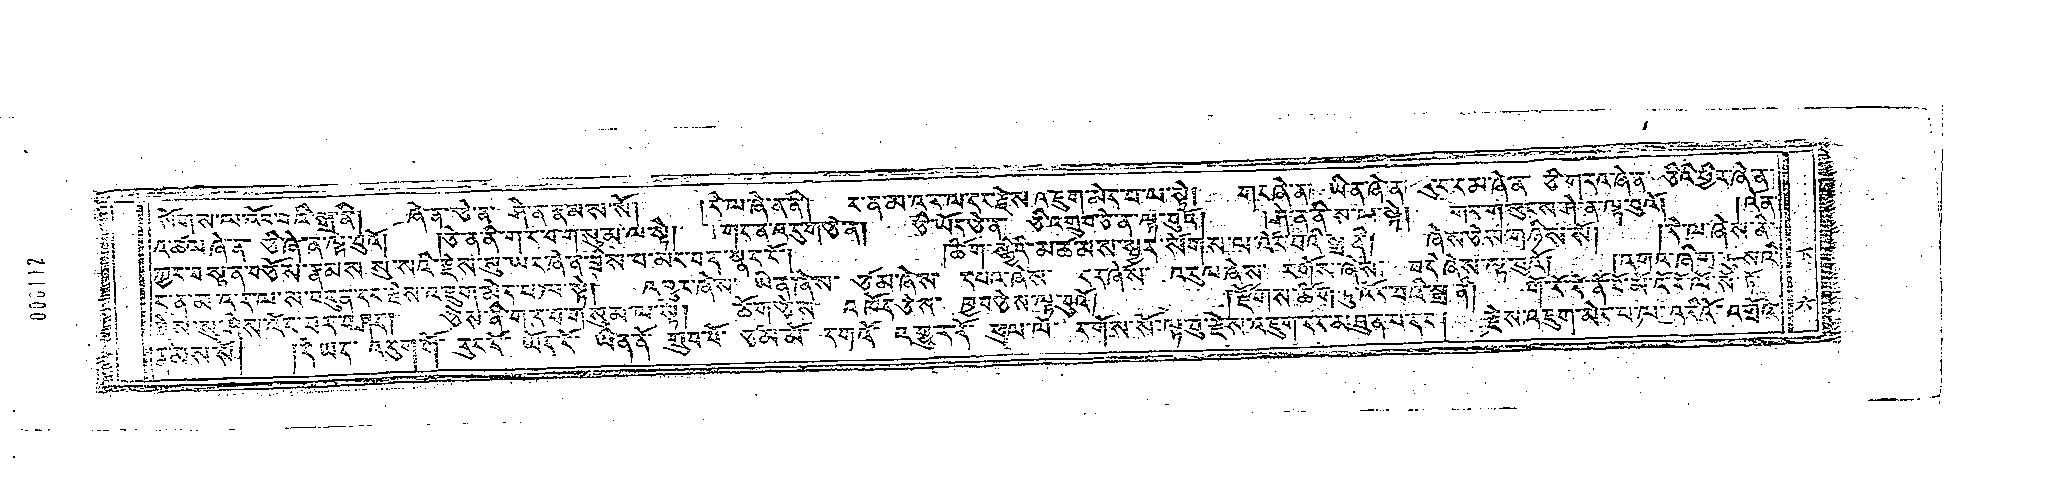སོགས་ལ་འོང་བའི་སྒྲ་ནི། ཞེ་ན་ཅེ་ན་ཤེན་རྣམས་སོ། །དེ་ལ་ཞེ་ན་ནི། ང་ན་མ་འ་ར་ལ་དང་རྗེས་འཇུག་མེད་པ་ལ་སྟེ། གང་ཞེ་ན་ཡིན་ཞེ་ན་རུང་དམ་ཞེ་ན་ཅི་གདའ་ཞེ་ན་ཅིའི་ཕྱིར་ཞེ་ན་
འཚལ་ཞེ་ན་ཅི་ཞེ་ན་ལྟ་བུའོ། །ཅེ་ན་ནི་ག་ང་བ་གསུམ་ལ་སྟེ། གང་ན་འདུག་ཅེ་ན། ཅི་ཡོད་ཅེ་ན་ཅི་འགྲུབ་ཅེ་ན་ལྟ་བུའོ། །ཤེ་ན་ནི་ས་ལ་སྟེ། གང་གསུངས་ཤེ་ན་ལྟ་བུའོ། །འོན་
ཀྱང་བསྟན་བཅོས་རྣམས་སུ་སའི་རྗེས་སུ་ཡང་ཞེ་ན་བྲིས་པ་མང་བར་སྣང་ངོ། །ཚིག་སྤྱིའི་མཚམས་སྦྱར་སོགས་ལ་འོང་བའི་སྒྲ་ནི། ཞེས་ཅེས་གཉིས་སོ། །དེ་ལ་ཞེས་ནི་
ད་ན་མ་འ་ར་ལ་ས་བདུན་དང་རྗེས་འཇུག་མེད་པ་ལ་སྟེ། འབྱུང་ཞེས་ཡིན་ཞེས་ཙམ་ཞེས་དཔའ་ཞེས་དར་ཞེས་འདུལ་ཞེས་དགོས་ཞེས་བདེ་ཞེས་ལྟ་བུའོ། །འགའ་ཞིག་ཏུ་སའི་
རྗེས་སུ་ཤེས་འོང་བར་བཤད། ཅེས་ནི་ག་ད་བ་གསུམ་ལ་སྟེ། ཆོག་ཅེས། འཁོད་ཅེས། ཁྱབ་ཅེས་ལྟ་བུའོ། །རྫོགས་ཚིག་ཏུ་འོང་བའི་སྒྲ་ནི། གོ་ངོ་དོ་ནོ་བོ་མོ་འོ་རོ་ལོ་སོ་ཏོ་
རྣམས་སོ། །དེ་ཡང་འདུག་གོ་རུང་ངོ་ཡོད་དོ་ཡིན་ནོ་གྲུབ་བོ་ཙམ་མོ་དགའོ་འགྱུར་རོ་ཕུལ་ལོ་དགོས་སོ་ལྟ་བུ་རྗེས་འཇུག་དང་མཐུན་པ་དང་། རྗེས་འཇུག་མེད་བ་ལ་འདིའོ་འགྲོའོ་